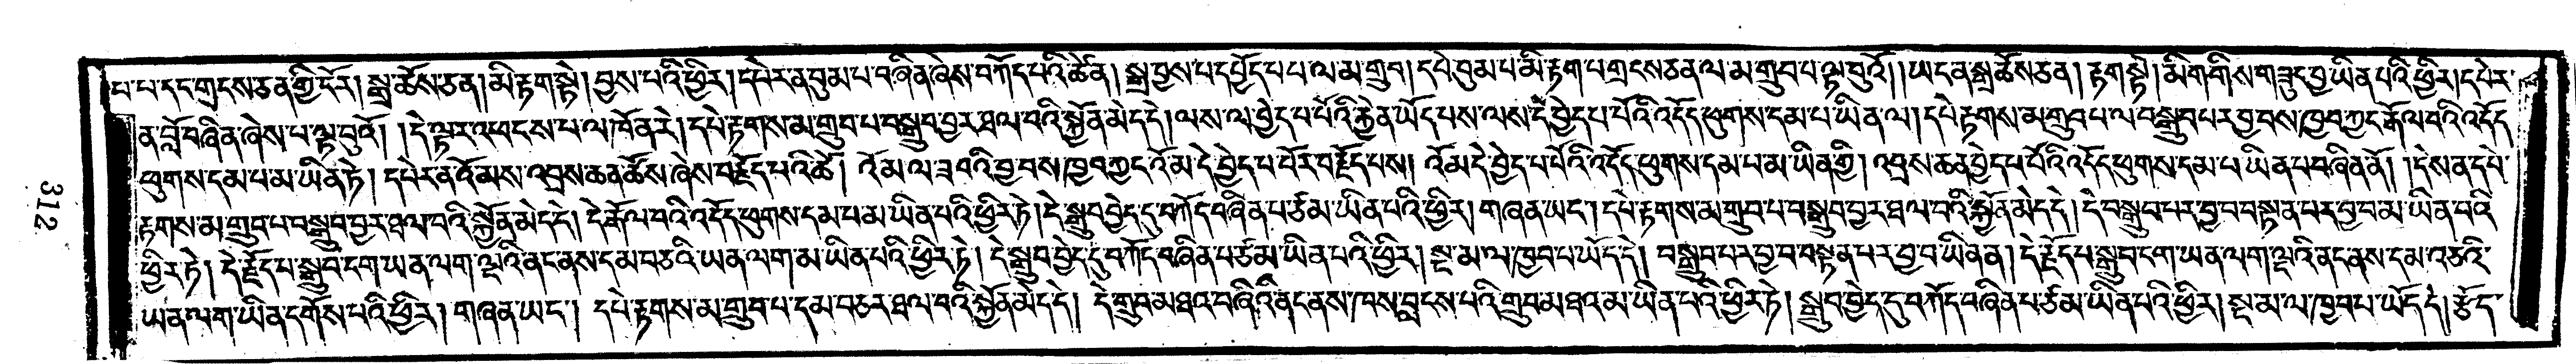པ་པ་དང་གྲངས་ཅན་གྱི་ངོར། སྒྲ་ཆོས་ཅན། མི་རྟག་སྟེ། བྱས་པའི་ཕྱིར། དཔེར་ན་བུམ་པ་བཞིན་ཞེས་བཀོད་པའི་ཚེ་ན། སྒྲ་བྱས་པ་དཔྱོད་པ་པ་ལ་མ་གྲུབ། དཔེ་བུམ་པ་མི་རྟག་པ་གྲངས་ཅན་ལ་མ་གྲུབ་པ་ལྟ་བུའོ། །ཡང་ན་སྒྲ་ཆོས་ཅན། རྟག་སྟེ། མིག་གིས་གཟུང་བྱ་ཡིན་པའི་ཕྱིར། དཔེར་
ན་བློ་བཞིན་ཞེས་པ་ལྟ་བུའོ། །དེ་ལྟར་འཕངས་པ་ལ་ཁོ་ན་རེ། དཔེ་རྟགས་མ་གྲུབ་པ་བསྒྲུབ་བྱར་ཐལ་བའི་སྐྱོན་མེད་དེ། ལས་ལ་བྱེད་པ་པོའི་རྐྱེན་ཡོད་པས་ལས་དེ་བྱེད་པ་པོའི་འདོད་ཕུགས་དམ་པ་ཡིན་ལ། དཔེ་རྟགས་མ་གྲུབ་པ་ལ་བསྒྲུབ་པར་བྱ་བས་ཁྱབ་ཀྱང་རྒོལ་བའི་འདོད་
ཕུགས་དམ་པ་མ་ཡིན་ཏེ། དཔེར་ན་འོ་མས་འབྲས་ཆན་ཚོས་ཞེས་བརྗོད་པའི་ཚེ། འོ་མ་ལ་ཟ་བའི་བྱ་བས་ཁྱབ་ཀྱང་འོ་མ་དེ་བྱེད་པ་པོར་བརྗོད་པས། འོ་མ་དེ་བྱེད་པ་པོའི་འདོད་ཕུགས་དམ་པ་མ་ཡིན་གྱི། འབྲས་ཆན་བྱེད་པ་པོའི་འདོད་ཕུགས་དམ་པ་ཡིན་པ་བཞིན་ནོ། །དེས་ན་དཔེ་
རྟགས་མ་གྲུབ་པ་བསྒྲུབ་བྱར་ཐལ་བའི་སྐྱོན་མེད་དེ། དེ་རྒོལ་བའི་འདོད་ཕུགས་དམ་པ་མ་ཡིན་པའི་ཕྱིར་ཏེ། དེ་སྒྲུབ་བྱེད་དུ་བཀོད་བཞིན་པ་ཙམ་ཡིན་པའི་ཕྱིར། གཞན་ཡང་། དཔེ་རྟགས་མ་གྲུབ་པ་བསྒྲུབ་བྱར་ཐལ་བའི་སྐྱོན་མེད་དེ། དེ་བསྒྲུབ་པར་བྱ་བ་བསྟན་པར་བྱ་བ་མ་ཡིན་པའི་
ཕྱིར་ཏེ། དེ་རྗོད་པ་སྒྲུབ་ངག་ཡན་ལག་ལྔའི་ནང་ནས་དམ་བཅའི་ཡན་ལག་མ་ཡིན་པའི་ཕྱིར་ཏེ། དེ་སྒྲུབ་བྱེད་དུ་བཀོད་བཞིན་པ་ཙམ་ཡིན་པའི་ཕྱིར། སྔ་མ་ལ་ཁྱབ་པ་ཡོད་དེ། བསྒྲུབ་པར་བྱ་བ་བསྟན་པར་བྱ་བ་ཡིན་ན། དེ་རྗོད་པ་སྒྲུབ་ངག་ཡན་ལག་ལྔའི་ནང་ནས་དམ་བཅའི་
ཡན་ལག་ཡིན་དགོས་པའི་ཕྱིར། གཞན་ཡང་། དཔེ་རྟགས་མ་གྲུབ་པ་དམ་བཅར་ཐལ་བའི་སྐྱོན་མེད་དེ། དེ་གྲུབ་མཐའ་བཞིའི་ནང་ནས་ཁས་བླངས་པའི་གྲུབ་མཐའ་མ་ཡིན་པའི་ཕྱིར་ཏེ། སྒྲུབ་བྱེད་དུ་བཀོད་བཞིན་པ་ཙམ་ཡིན་པའི་ཕྱིར། སྔ་མ་ལ་ཁྱབ་པ་ཡོད་དེ། རྩོད་